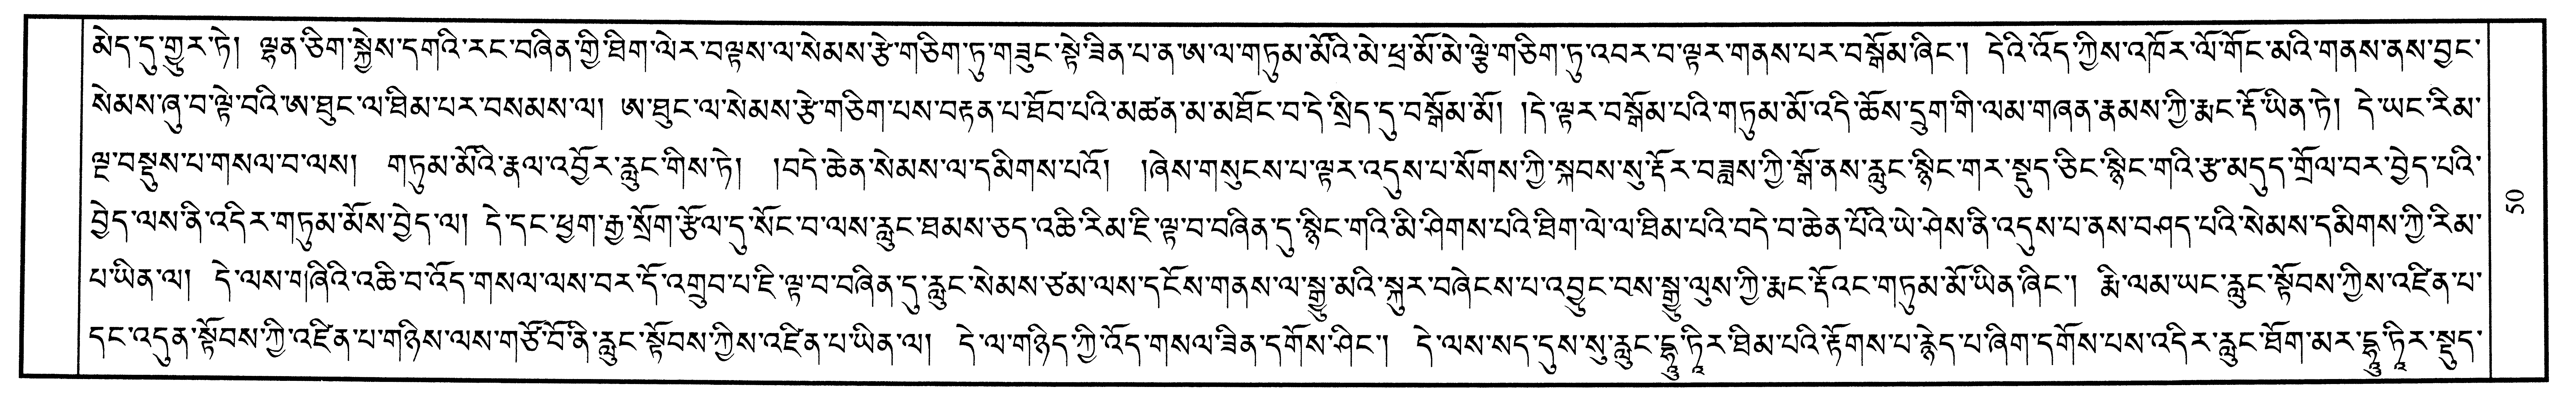མེད་དུ་གྱུར་ཏེ། ལྷན་ཅིག་སྐྱེས་དགའི་རང་བཞིན་གྱི་ཐིག་ལེར་བལྟས་ལ་སེམས་རྩེ་གཅིག་ཏུ་གཟུང་སྟེ་ཟིན་པ་ན་ཨ་ལ་གཏུམ་མོའི་མེ་ཕྲ་མོ་མེ་ལྕེ་གཅིག་ཏུ་འབར་བ་ལྟར་གནས་པར་བསྒོམ་ཞིང་། དེའི་འོད་ཀྱིས་འཁོར་ལོ་གོང་མའི་གནས་ནས་བྱང་
སེམས་ཞུ་བ་ལྟེ་བའི་ཨ་ཐུང་ལ་ཐིམ་པར་བསམས་ལ། ཨ་ཐུང་ལ་སེམས་རྩེ་གཅིག་པས་བརྟན་པ་ཐོབ་པའི་མཚན་མ་མཐོང་བ་དེ་སྲིད་དུ་བསྒོམ་མོ། །དེ་ལྟར་བསྒོམ་པའི་གཏུམ་མོ་འདི་ཆོས་དྲུག་གི་ལམ་གཞན་རྣམས་ཀྱི་རྨང་རྡོ་ཡིན་ཏེ། དེ་ཡང་རིམ་
ལྔ་བསྡུས་པ་གསལ་བ་ལས། གཏུམ་མོའི་རྣལ་འབྱོར་རླུང་གིས་ཏེ། །བདེ་ཆེན་སེམས་ལ་དམིགས་པའོ། །ཞེས་གསུངས་པ་ལྟར་འདུས་པ་སོགས་ཀྱི་སྐབས་སུ་རྡོར་བཟླས་ཀྱི་སྒོ་ནས་རླུང་སྙིང་གར་སྡུད་ཅིང་སྙིང་གའི་རྩ་མདུད་གྲོལ་བར་བྱེད་པའི་
བྱེད་ལས་ནི་འདིར་གཏུམ་མོས་བྱེད་ལ། དེ་དང་ཕྱག་རྒྱ་སྲོག་རྩོལ་དུ་སོང་བ་ལས་རླུང་ཐམས་ཅད་འཆི་རིམ་ཇི་ལྟར་བ་བཞིན་དུ་སྙིང་གའི་མི་ཤིགས་པའི་ཐིག་ལེ་ལ་ཐིམ་པའི་བདེ་བ་ཆེན་པོའི་ཡེ་ཤེས་ནི་འདུས་པ་ནས་བཤད་པའི་སེམས་དམིགས་ཀྱི་རིམ་
པ་ཡིན་ལ། དེ་ལས་གཞིའི་འཆི་བ་འོད་གསལ་ལས་བར་དོ་འགྲུབ་པ་ཇི་ལྟ་བ་བཞིན་དུ་རླུང་སེམས་ཙམ་ལས་དངོས་གནས་ལ་སྒྱུ་མའི་སྐུར་བཞེངས་པ་འབྱུང་བས་སྒྱུ་ལུས་ཀྱི་རྨང་རྡོབས་གཏུམ་མོ་ཡིན་ཞིང་། རྨི་ལམ་ཡང་རླུང་སྟོབས་ཀྱིས་འཛིན་པ་
དང་འདུན་སྟོབས་ཀྱི་འཛིན་པ་གཉིས་ལས་གཙོ་བོ་ནི་རླུང་སྟོབས་ཀྱིས་འཛིན་པ་ཡིན་ལ། དེ་ལ་གཉིད་ཀྱི་འོད་གསལ་ཟིན་དགོས་ཤིང་། །དེ་ལས་སད་དུས་སུ་རླུང་དྷཱུ་ཏཱིར་ཐིམ་པའི་རྟོགས་པ་རྙེད་པ་ཞིག་དགོས་པས་འདིར་རླུང་ཐོག་མར་དྷཱུ་ཏཱིར་སྡུད་